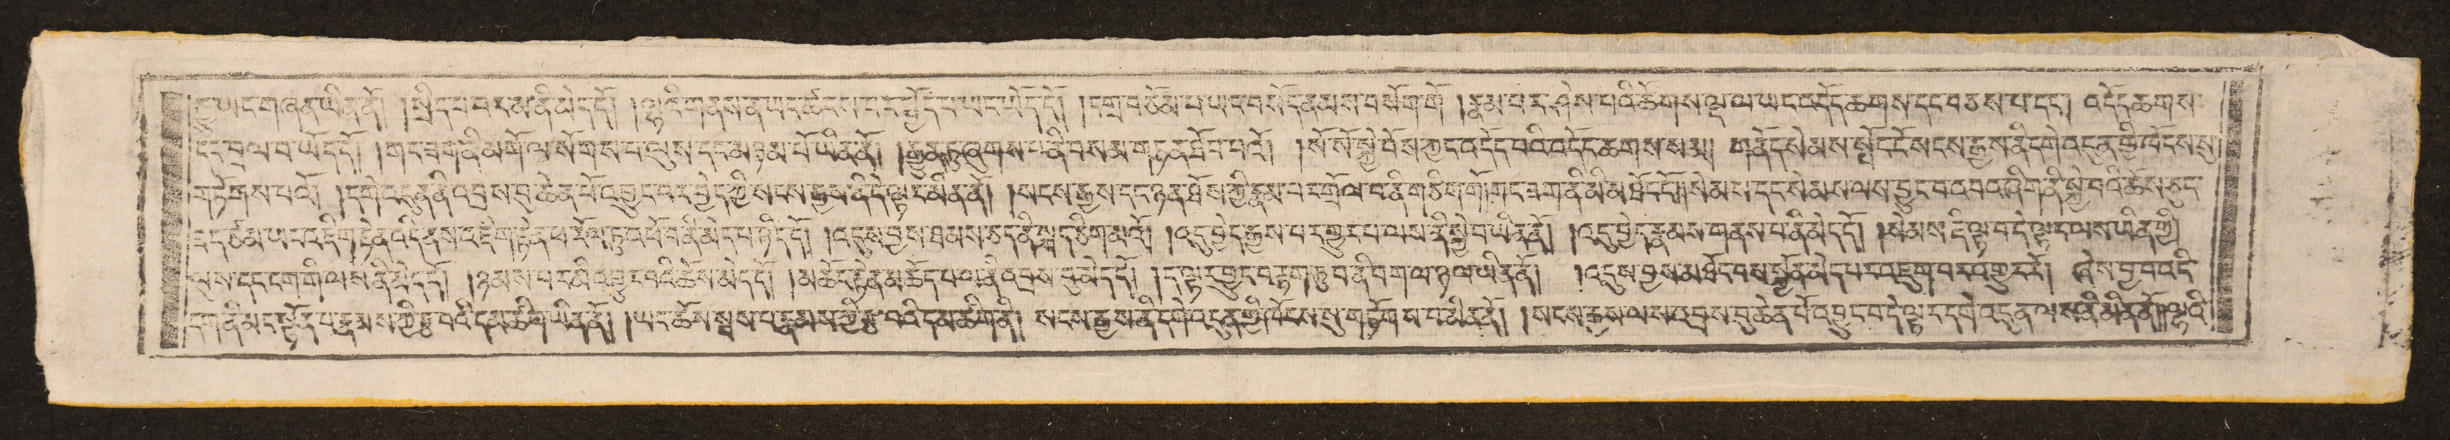རྒྱུ་ཡང་གཞན་ཡིན་ནོ། །སྲིད་པ་བར་མ་ནི་མེད་དོ། །ལྷའི་གནས་ན་ཡང་ཚངས་པར་སྤྱོད་པ་ཡང་ཡོད་དོ། །དགྲ་བཅོམ་པ་ཡང་བསོད་ནམས་བསོག་གོ །རྣམ་པར་ཤེས་པའི་ཚོགས་ལྔ་ལ་ཡང་འདོད་ཆགས་དང་བཅས་པ་དང་། འདོད་ཆགས་
དང་བྲལ་བ་ཡོད་དོ། །གང་ཟག་ནི་མགོ་ལ་སོགས་པ་ལུས་དང་མཉམ་པོ་ཡིན་ནོ། །རྒྱུན་ཏུ་ཞུགས་པ་ནི་བསམ་གཏན་ཐོབ་པའོ། །སོ་སོ་སྐྱེ་བོས་ཀྱང་འདོད་པའི་འདོད་ཆགས་སམ། གནོད་སེམས་སྤོང་ངོ་སངས་རྒྱས་ནི་དགེ་འདུན་གྱི་ཁོངས་སུ་
གཏོགས་པའོ། །དགེ་འདུན་ནི་འབྲས་བུ་ཆེན་པོ་འབྱུང་བར་བྱེད་ཀྱི་སངས་རྒྱས་ནི་དེ་ལྟར་མིན་ནོ། །སངས་རྒྱས་དང་ཉན་ཐོས་ཀྱི་རྣམ་པར་གྲོལ་བ་ནི་གཅིག་གོ །གང་ཟག་ནི་མི་མཐོང་ངོ། །སེམས་དང་སེམས་ལས་བྱུང་བ་འབའ་ཞིག་ནི་སྐྱེ་བའི་ཆོས་ཅུང་
ཟད་ཙམ་ཡང་འཇིག་རྟེན་འདི་ནས་འཇིག་རྟན་ཕ་རོལ་ཏུ་འཕོ་བ་ནི་མེད་པ་ཉིད་དོ། །འདུས་བྱས་ཐམས་ཅད་ནི་སྐད་ཅིག་མའོ། །འདུ་བྱེད་རྒྱས་བར་གྱུར་པ་ལས་ནི་སྐྱེ་བ་ཡིན་ནོ། །འདུ་བྱེད་རྣམས་གནས་བ་ནི་མེད་དོ། །སེམས་ཇི་ལྟ་བ་དེ་ལྟར་ལས་ཡིན་གྱི།
ལུས་དང་ངག་གི་ལབ་ནི་མེད་དོ། །ཉམས་པར་མི་འགྱུར་བའི་ཆོས་མེད་དོ། །མཆོད་རྟེན་མཆོད་པ་ལ་ནི་འབས་བུ་མེད་དོ། །ད་ལྟར་བྱུང་བརྟག་ཏུ་བ་ནི་བག་ལ་ཉལ་ཡིན་ནོ། །འདུས་བྱས་མཐོང་བས་སྐྱོན་མེད་པར་འཇུག་པར་འགྱུར་རོ། ཞེས་བྱ་བ་འདི་
དག་ནི་མང་སྟོན་བ་རྣམས་ཀྱི་རྩ་བའི་དམ་ཚིག་ཡིན་ནོ། །ཡང་ཆོས་སྦས་པ་རྣམས་ཀྱི་རྩ་བའི་དམ་ཚིག་ནི། སངས་རྒྱས་ནི་དགེ་འདུན་གྱི་ཁོངས་སུ་གཏོགས་པ་མིན་ནོ། །སངས་རྒྱས་ལས་འབྲས་བུ་ཆེན་པོ་འབྱུང་བ་དེ་ལྟར་དག་འདུན་ལས་ནི་མིན་ནོ། །ལྷའི་